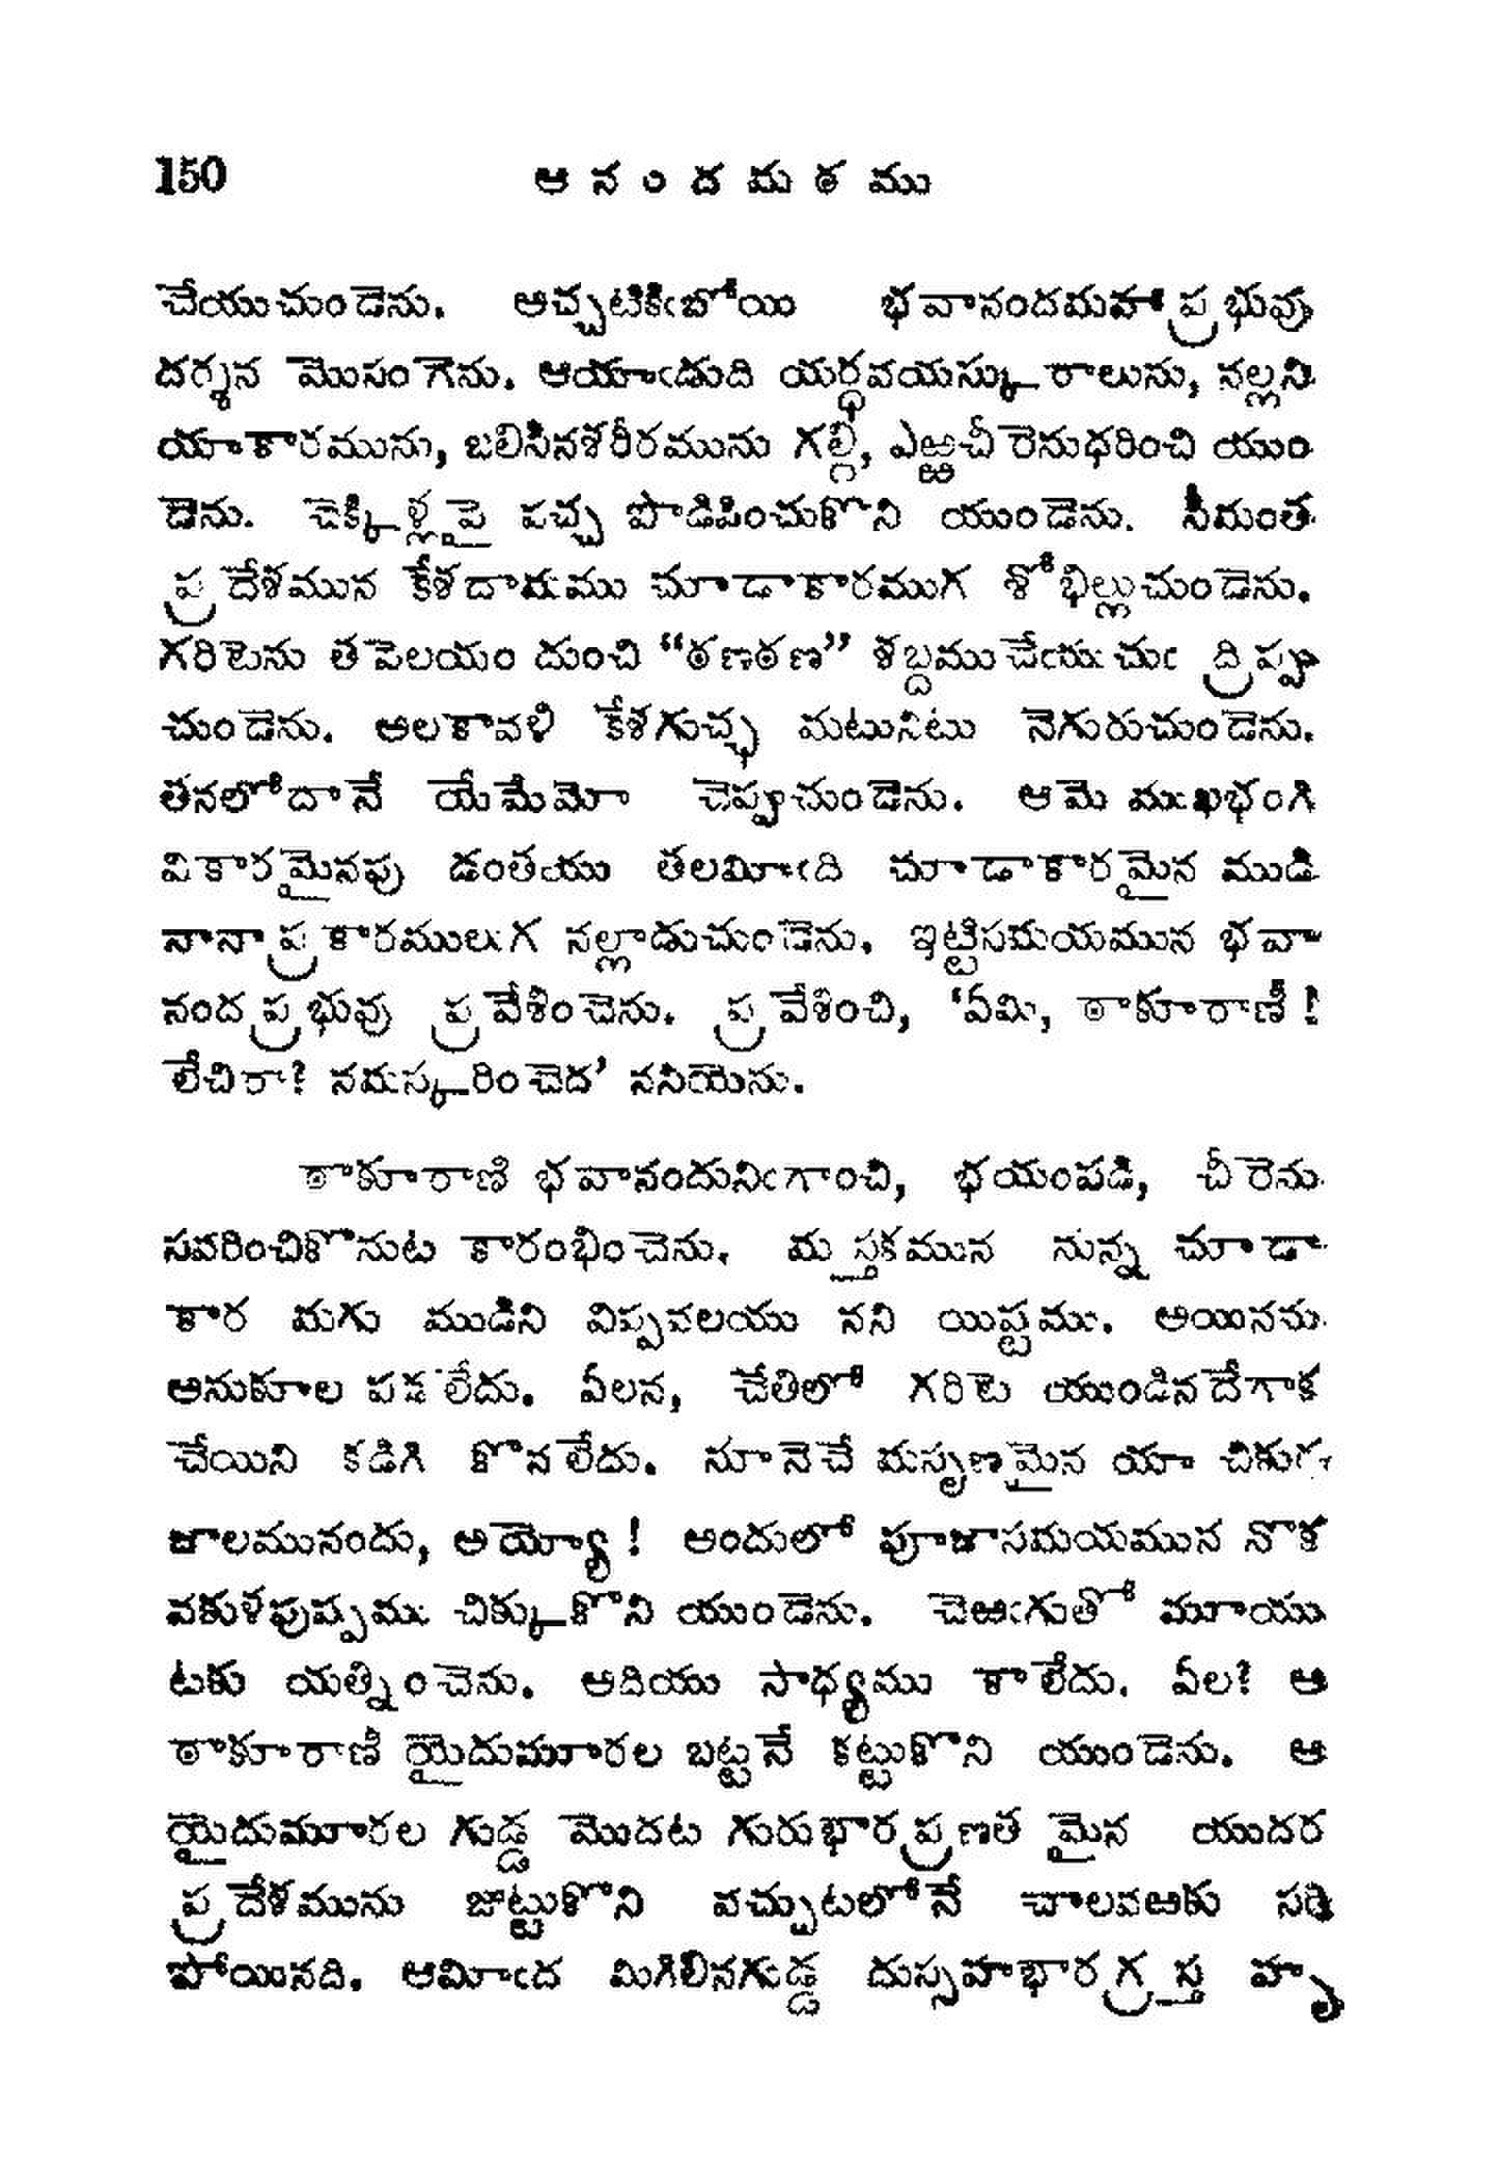చేయుచుండెను. అచ్చటికిఁబోయి భవానందమహా ప్రభువు దర్శన మొసంగెను. ఆయాఁడుది యర్ధవయస్కురాలును, నల్లని
యాకారమును, బలిసినశరీరమును గల్గి, ఎఱ్ఱచీరెనుధరించి యుండెను. చెక్కిళ్లపై పచ్చ పొడిపించుకొని యుండెను. సీమంత ప్రదేశమున కేశ దామము చూడాకారముగ శోభిల్లుచుండెను, గరిటెను తపెలయం దుంచి "రణరణ” శబ్దము చేయుచుఁ ద్రిప్పుచుండెను. అలకావళి కేశగుచ్ఛ మటునిటు నెగురుచుండెను. తనలో దానే యే మేమో చెప్పుచుండెను. ఆమె ముఖభంగి వికారమైనపు డంతయు తలమీఁది చూడాకారమైన ముడి నానాప్రకారములుగ నల్లాడుచుండెను, ఇట్టిసమయమున భవానంద ప్రభువు ప్రవేశించెను. ప్రవేశించి, 'ఏమి, ఠాకూరాణీ ! లేచి రా! నమస్కరించెద' ననియెను.

ఠాకూరాణి భవానందునిఁ గాంచి, భయంపడి, చీరెను. సవరించికొనుట కారంభించెను, మస్తకమున నున్న చూడాకార మగు ముడిని విప్పవలయు నని యిష్టము. అయినను. అనుకూల పడ లేదు. ఏలన, చేతిలో గరిటె యుండినదేగాక చేయిని కడిగి కొనలేదు. నూనెచే మసృణమైన యా చికురుజాలమునందు, అయ్యో ! అందులో పూజాసమయమున నొక వకుళ పుష్పము చిక్కుకొని యుండెను. చెఱఁగుతో మూయుటకు యత్నించెను. అదియు సాధ్యము కాలేదు. ఏల? ఆ ఠాకూరాణీ యైదుమూరల బట్టనే కట్టుకొని యుండెను. ఆ యైదుమూరల గుడ్డ మొదట గురుభార ప్రణత మైన యుదర ప్రదేశమును జుట్టుకొని వచ్చుటలోనే చాలవఱకు సరిపోయినది. ఆమీఁద మిగిలినగుడ్డ దుస్సహభారగ్రస్త హృ